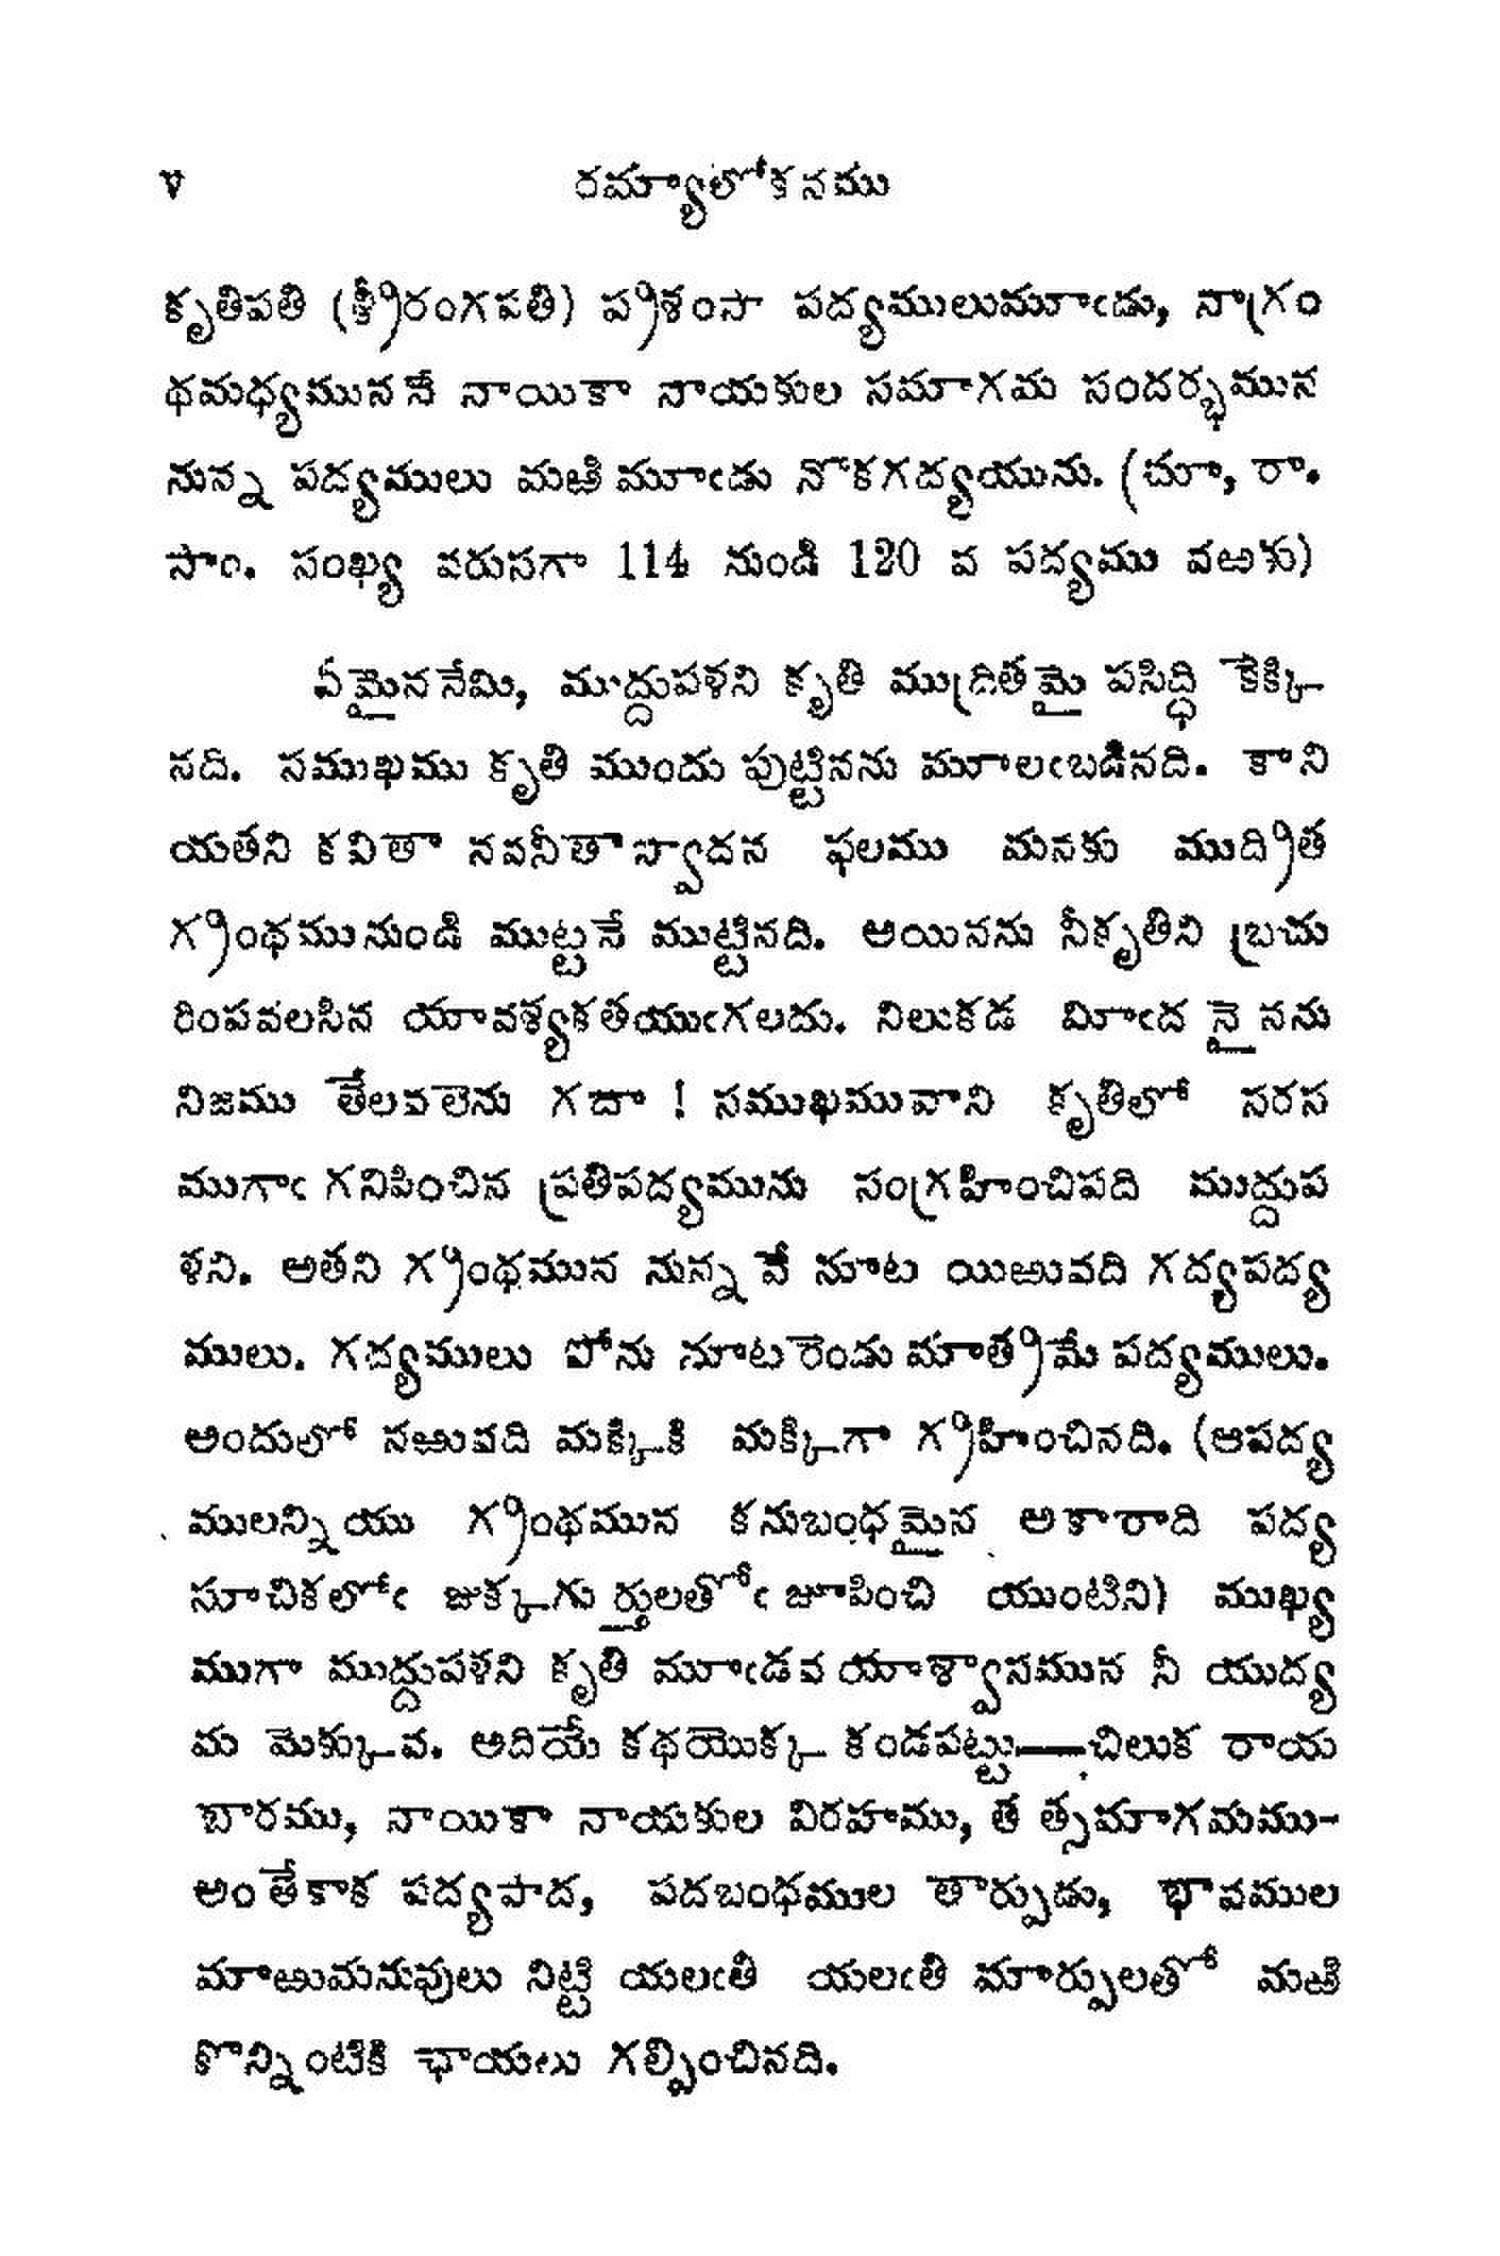కృతిపతి (శ్రీరంగపతి) ప్రశంసాపద్యములు మూఁడు, నాగ్రంథమధ్యముననే నాయికా నాయకుల సమాగమసందర్భమున నున్న పద్యములు మఱి మూఁడు నొకగద్యయును. (చూ, రా. సాం. సంఖ్య వరుసగా 114 నుండి 120వ పద్యము వఱకు)

ఏమైననేమి, ముద్దుపళని కృతి ముద్రితమై ప్రసిద్ధి కెక్కినది. సముఖము కృతి ముందు పుట్టినను మూలఁబడినది. కాని యతని కవితానవనీతాస్వాదనఫలము మనకు ముద్రితగ్రంథమునుండి ముట్టనే ముట్టినది. అయినను నీకృతిని బ్రచురించవలసిన యావశ్యకతయుఁ గలదు. నిలుకడమీఁదనైనను నిజము తేలవలెను గదా! సముఖమువాని కృతిలో సరసముగాఁ గనిపించిన ప్రతిపద్యమును సంగ్రహించినది ముద్దుపళని. అతని గ్రంథమున నున్నవే నూటయిఱువది గద్యపద్యములు. గద్యములు పోను నూటరెండు మాత్రమే పద్యములు. అందులో నఱువది మక్కికి మక్కిగా గ్రహించినది. (ఆపద్యములన్నియు గ్రంథమున కనుబంధమైన అకారాదిపద్యసూచికలోఁ జుక్కగుర్తులతోఁ జూపించి యుంటిని) ముఖ్యముగా ముద్దుపళని కృతి మూఁడవయాశ్వాసమున నీ యుద్యమ మెక్కువ. అదియే కథయొక్క కండపట్టు—చిలుక రాయబారము, నాయికా నాయకుల విరహము, తత్సమాగమము—అంతేకాక పద్యపాద, పదబంధముల తార్పుడు, భావముల మాఱుమనువులు నిట్టి యలఁతి యలఁతి మార్పులతో మఱి కొన్నింటికి ఛాయలు గల్పించినది.